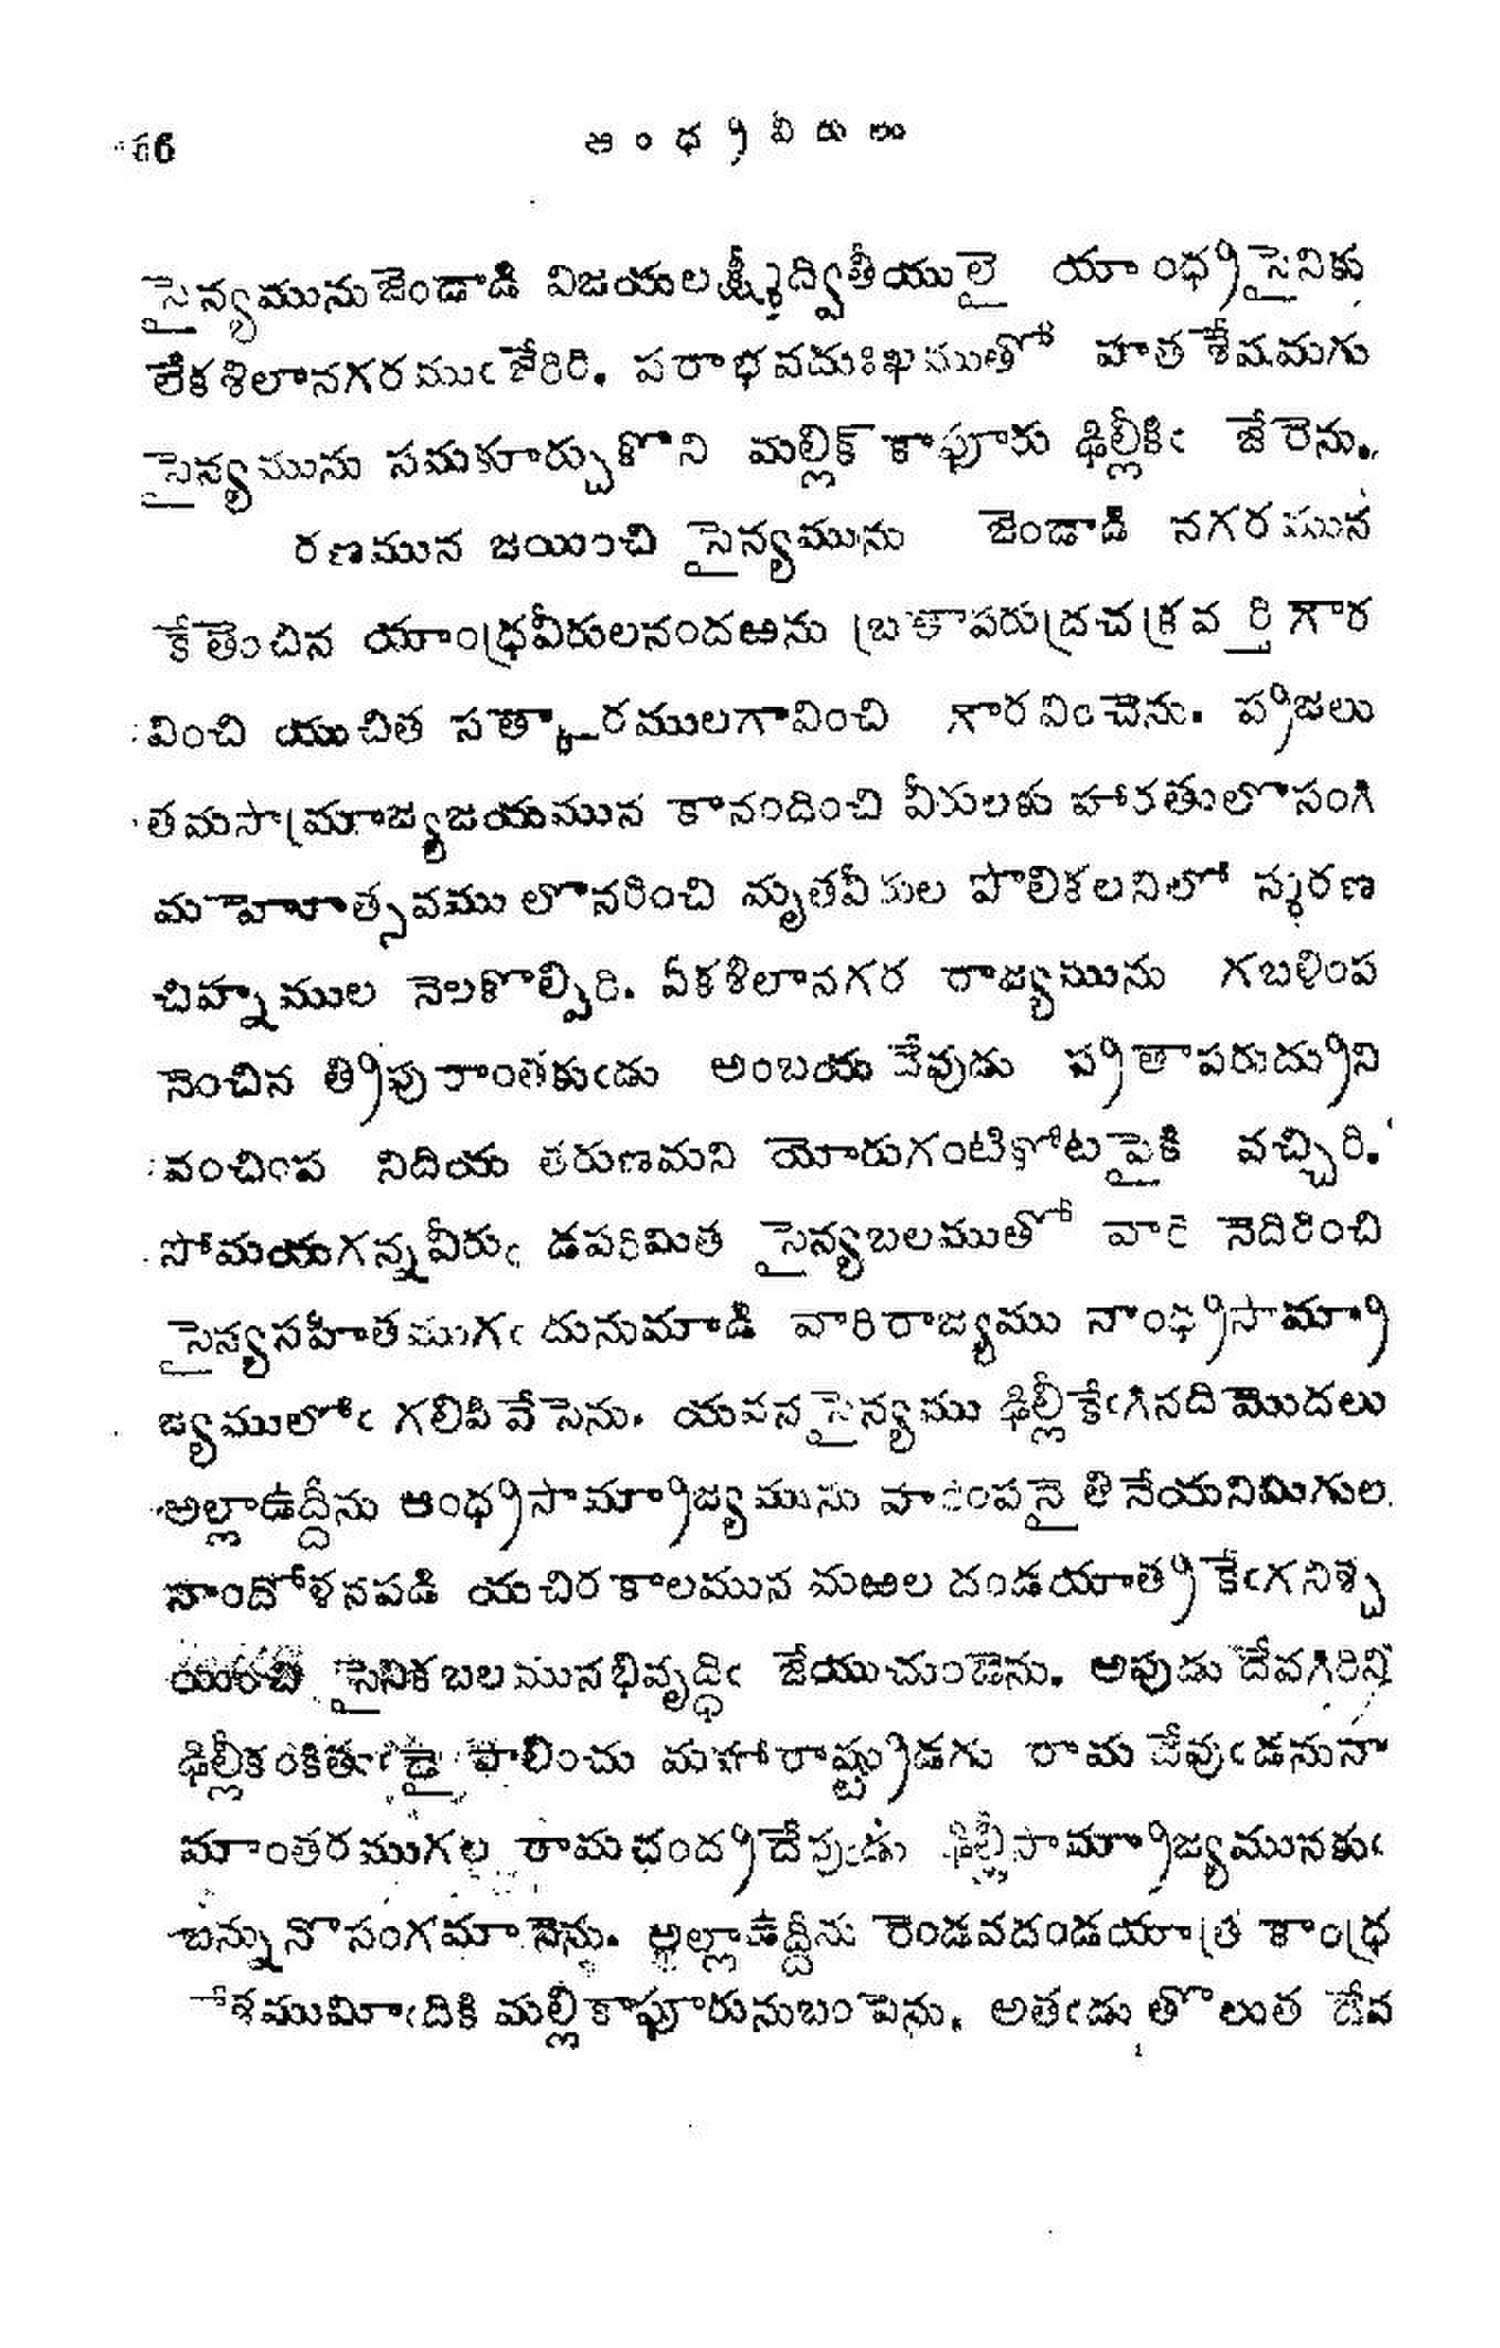సైన్యమునుజెండాడి విజయలక్ష్మీద్వితీయులై యాంధ్రసైనికు లేకశిలానగరము జేరిరి. పరాభవదు:ఖముతో హతశేషమగు సైన్యమును సమకూర్చుకొని మల్లిక్ కాపూరు డిల్లీకి జేరెను.

రణమున జయించి సైన్యమును జెండాడి నగరమున కేతెంచిన యాంధ్ర వీరులనందఱను బ్రతాపరుద్ర చక్రవర్తి గౌరవించి యుచిత సత్కారములగావించి గౌరవించెను. ప్రజలు తమ సామ్రాజ్యజయమున కానందించి వీరులకు హారతులొసంగి మహోత్సవము లొనరించి మృతవీరుల పొలికలనిలో స్మరణ చిహ్నముల నెలకొల్పిరి. ఏకశిలానగర రాజ్యమును గబళింప నెంచిన త్రిపురాంతకుడు అంబయదేవుడు ప్రతాపరుద్రుని వంచింప నిదియ తరుణమని యోరుగంటికోటపైకి వచ్చిరి. సోమయగన్నవీరు డపరిమిత సైన్యబలముతో వారి నెదిరించి సైన్యసహితముగ దునుమాడి వారిరాజ్యము నాంధ్రసామ్రాజ్యములో గలిపివేసెను. యవనసైన్యము డిల్లీకేగినది మొదలు అల్లాఉద్దీను ఆంధ్ర సామ్రాజ్యమును హరింపనైతినే యనిమిగుల నాందోళనపడి యచిరకాలమున మఱల దండయాత్ర కేగనిశ్చయించి సైనిక బలమునభివృద్ధి జేయుచుండెను. అపుడు దేవగిరిని డిల్లీకంకితుడై పాలించు మహారాష్ట్రుడగు రామదేవుడను నామాంతరముగల రామచంద్రదేవుడు డిల్లీసామ్రాజ్యమునకు బన్నునొసంగమానెను. అల్లాఉద్దీను రెండవదండయాత్ర కాంధ్రకోశముమీదికి మల్లికాపూరునుబంపెను. అతడు తొలుత దేవ